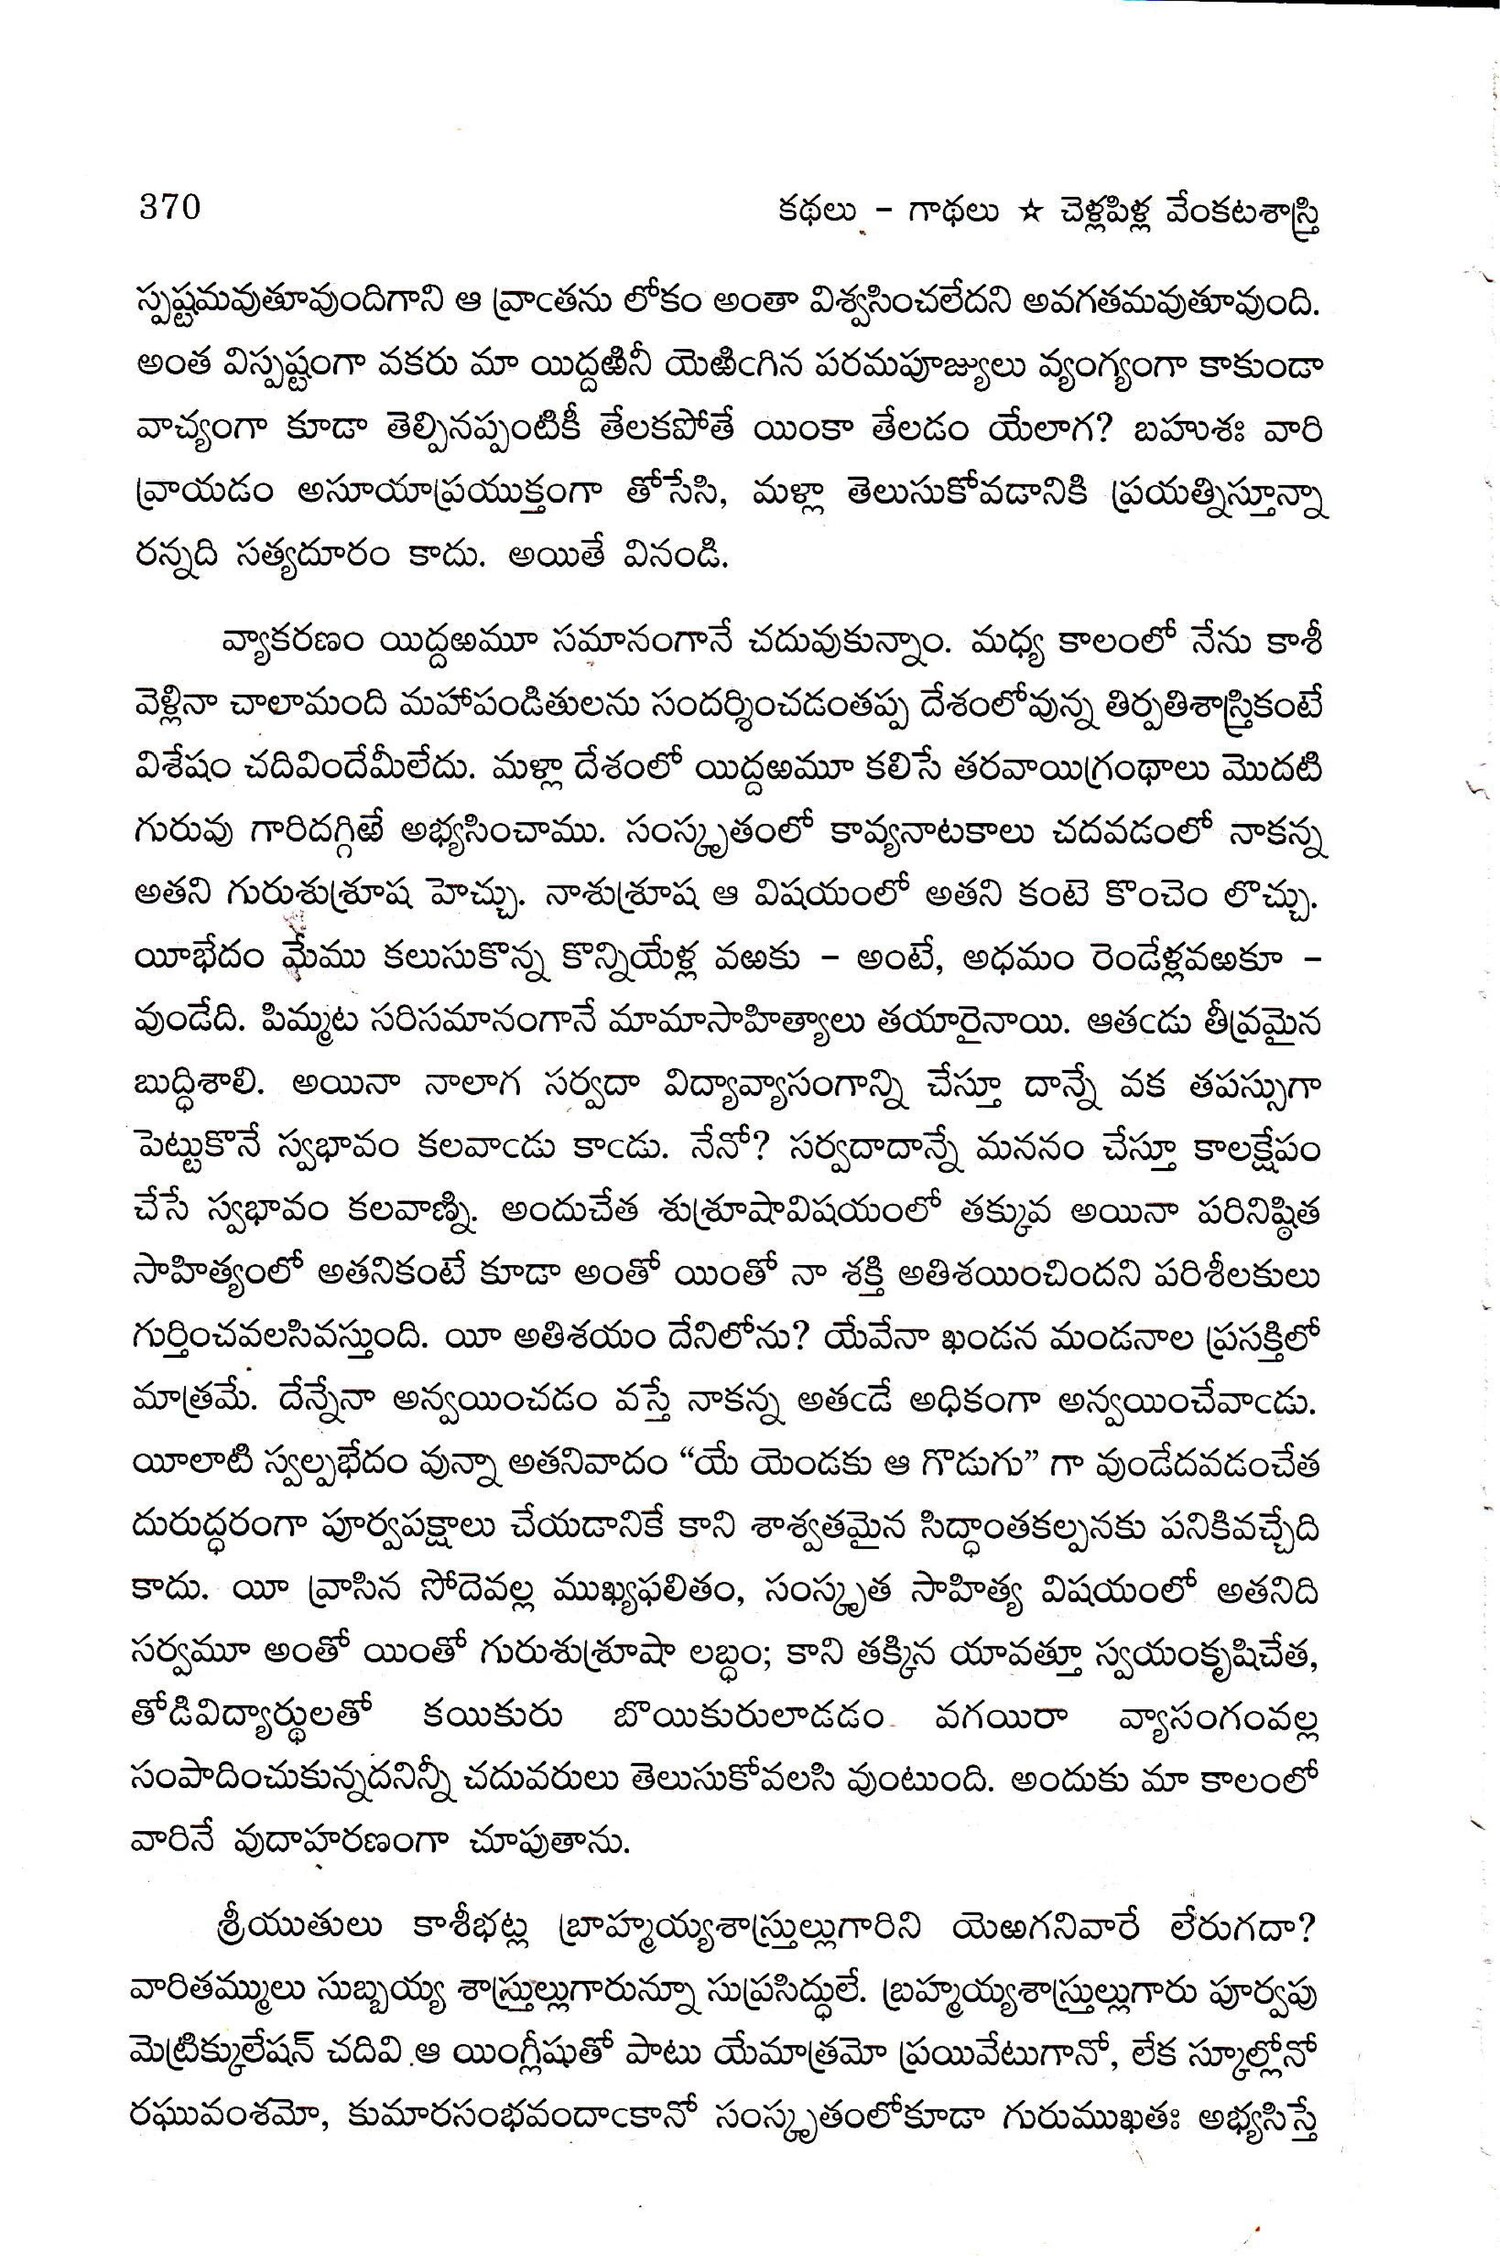స్పష్టమవుతూవుందిగాని ఆ వ్రాఁతను లోకం అంతా విశ్వసించలేదని అవగతమవుతూవుంది. అంత విస్పష్టంగా వకరు మా యిద్దఱినీ యెఱిఁగిన పరమపూజ్యలు వ్యంగ్యంగా కాకుండా వాచ్యంగా కూడా తెల్పినప్పటికీ తేలకపోతే యింకా తేలడం యేలాగ? బహుశః వారి వ్రాయడం అసూయాప్రయుక్తంగా తోసేసి, మళ్లా తెలుసుకోవడానికి ప్రయత్నిస్తూన్నా రన్నది సత్యదూరం కాదు. అయితే వినండి.

వ్యాకరణం యిద్దఱమూ సమానంగానే చదువుకున్నాం. మధ్య కాలంలో నేను కాశీ వెళ్లినా చాలామంది మహాపండితులను సందర్శించడంతప్ప దేశంలోవున్న తిర్పతిశాస్త్రికంటే విశేషం చదివిందేమీలేదు. మళ్లా దేశంలో యిద్దఱమూ కలిసే తరవాయిగ్రంథాలు మొదటి గురువు గారిదగ్గిఱే అభ్యసించాము. సంస్కృతంలో కావ్యనాటకాలు చదవడంలో నాకన్న అతని గురుశుశ్రూష హెచ్చు. నాశుశ్రూష ఆ విషయంలో అతని కంటె కొంచెం లొచ్చు. యీభేదం మేము కలుసుకొన్న కొన్నియేళ్ల వఱకు - అంటే, అధమం రెండేళ్లవఱకూ - వుండేది. పిమ్మట సరిసమానంగానే మామాసాహిత్యాలు తయారైనాయి. ఆతఁడు తీవ్రమైన బుద్ధిశాలి. అయినా నాలాగ సర్వదా విద్యావ్యాసంగాన్ని చేస్తూ దాన్నే వక తపస్సుగా పెట్టుకొనే స్వభావం కలవాఁడు కాఁడు. నేనో? సర్వదాదాన్నే మననం చేస్తూ కాలక్షేపం చేసే స్వభావం కలవాణ్ని అందుచేత శుశ్రూషావిషయంలో తక్కువ అయినా పరినిష్ఠిత సాహిత్యంలో అతనికంటే కూడా అంతో యింతో నా శక్తి అతిశయించిందని పరిశీలకులు గుర్తించవలసివస్తుంది. యీ అతిశయం దేనిలోను? యేవేనా ఖండన మండనాల ప్రసక్తిలో మాత్రమే. దేనేనా అన్వయించడం వస్తే నాకన్న అతఁడే అధికంగా అన్వయించేవాఁడు. యీలాటి స్వల్పభేదం వున్నా అతనివాదం "యే యెండకు ఆ గొడుగు" గా వుండేదవడంచేత దురుద్ధరంగా పూర్వపక్షాలు చేయడానికే కాని శాశ్వతమైన సిద్ధాంతకల్పనకు పనికివచ్చేది కాదు. యీ వ్రాసిన సోదెవల్ల ముఖ్యఫలితం, సంస్కృత సాహిత్య విషయంలో అతనిది సర్వమూ అంతో యింతో గురుశుశ్రూషా లబ్దం; కాని తక్కిన యావత్తూ స్వయంకృషిచేత, తోడివిద్యార్థులతో కయికురు బొయికురులాడడం వగయిరా వ్యాసంగంవల్ల సంపాదించుకున్నదనిన్నీ చదువరులు తెలుసుకోవలసి వుంటుంది. అందుకు మా కాలంలో వారినే వుదాహరణంగా చూపుతాను.

శ్రీయుతులు కాశీభట్ల బ్రాహ్మయ్యశాస్త్రుల్లుగారిని యొఱగనివారే లేరుగదా? వారితమ్ములు సుబ్బయ్య శాస్త్రుల్లుగారున్నూ సుప్రసిద్దులే. బ్రహ్మయ్యశాస్త్రుల్లుగారు పూర్వపు మెట్రిక్కులేషన్ చదివి ఆ యింగ్లీషుతో పాటు యేమాత్రమో ప్రయివేటుగానో, లేక స్కూల్లోనో రఘువంశమో, కుమారసంభవందాఁకానో సంస్కృతంలోకూడా గురుముఖతః అభ్యసిస్తే